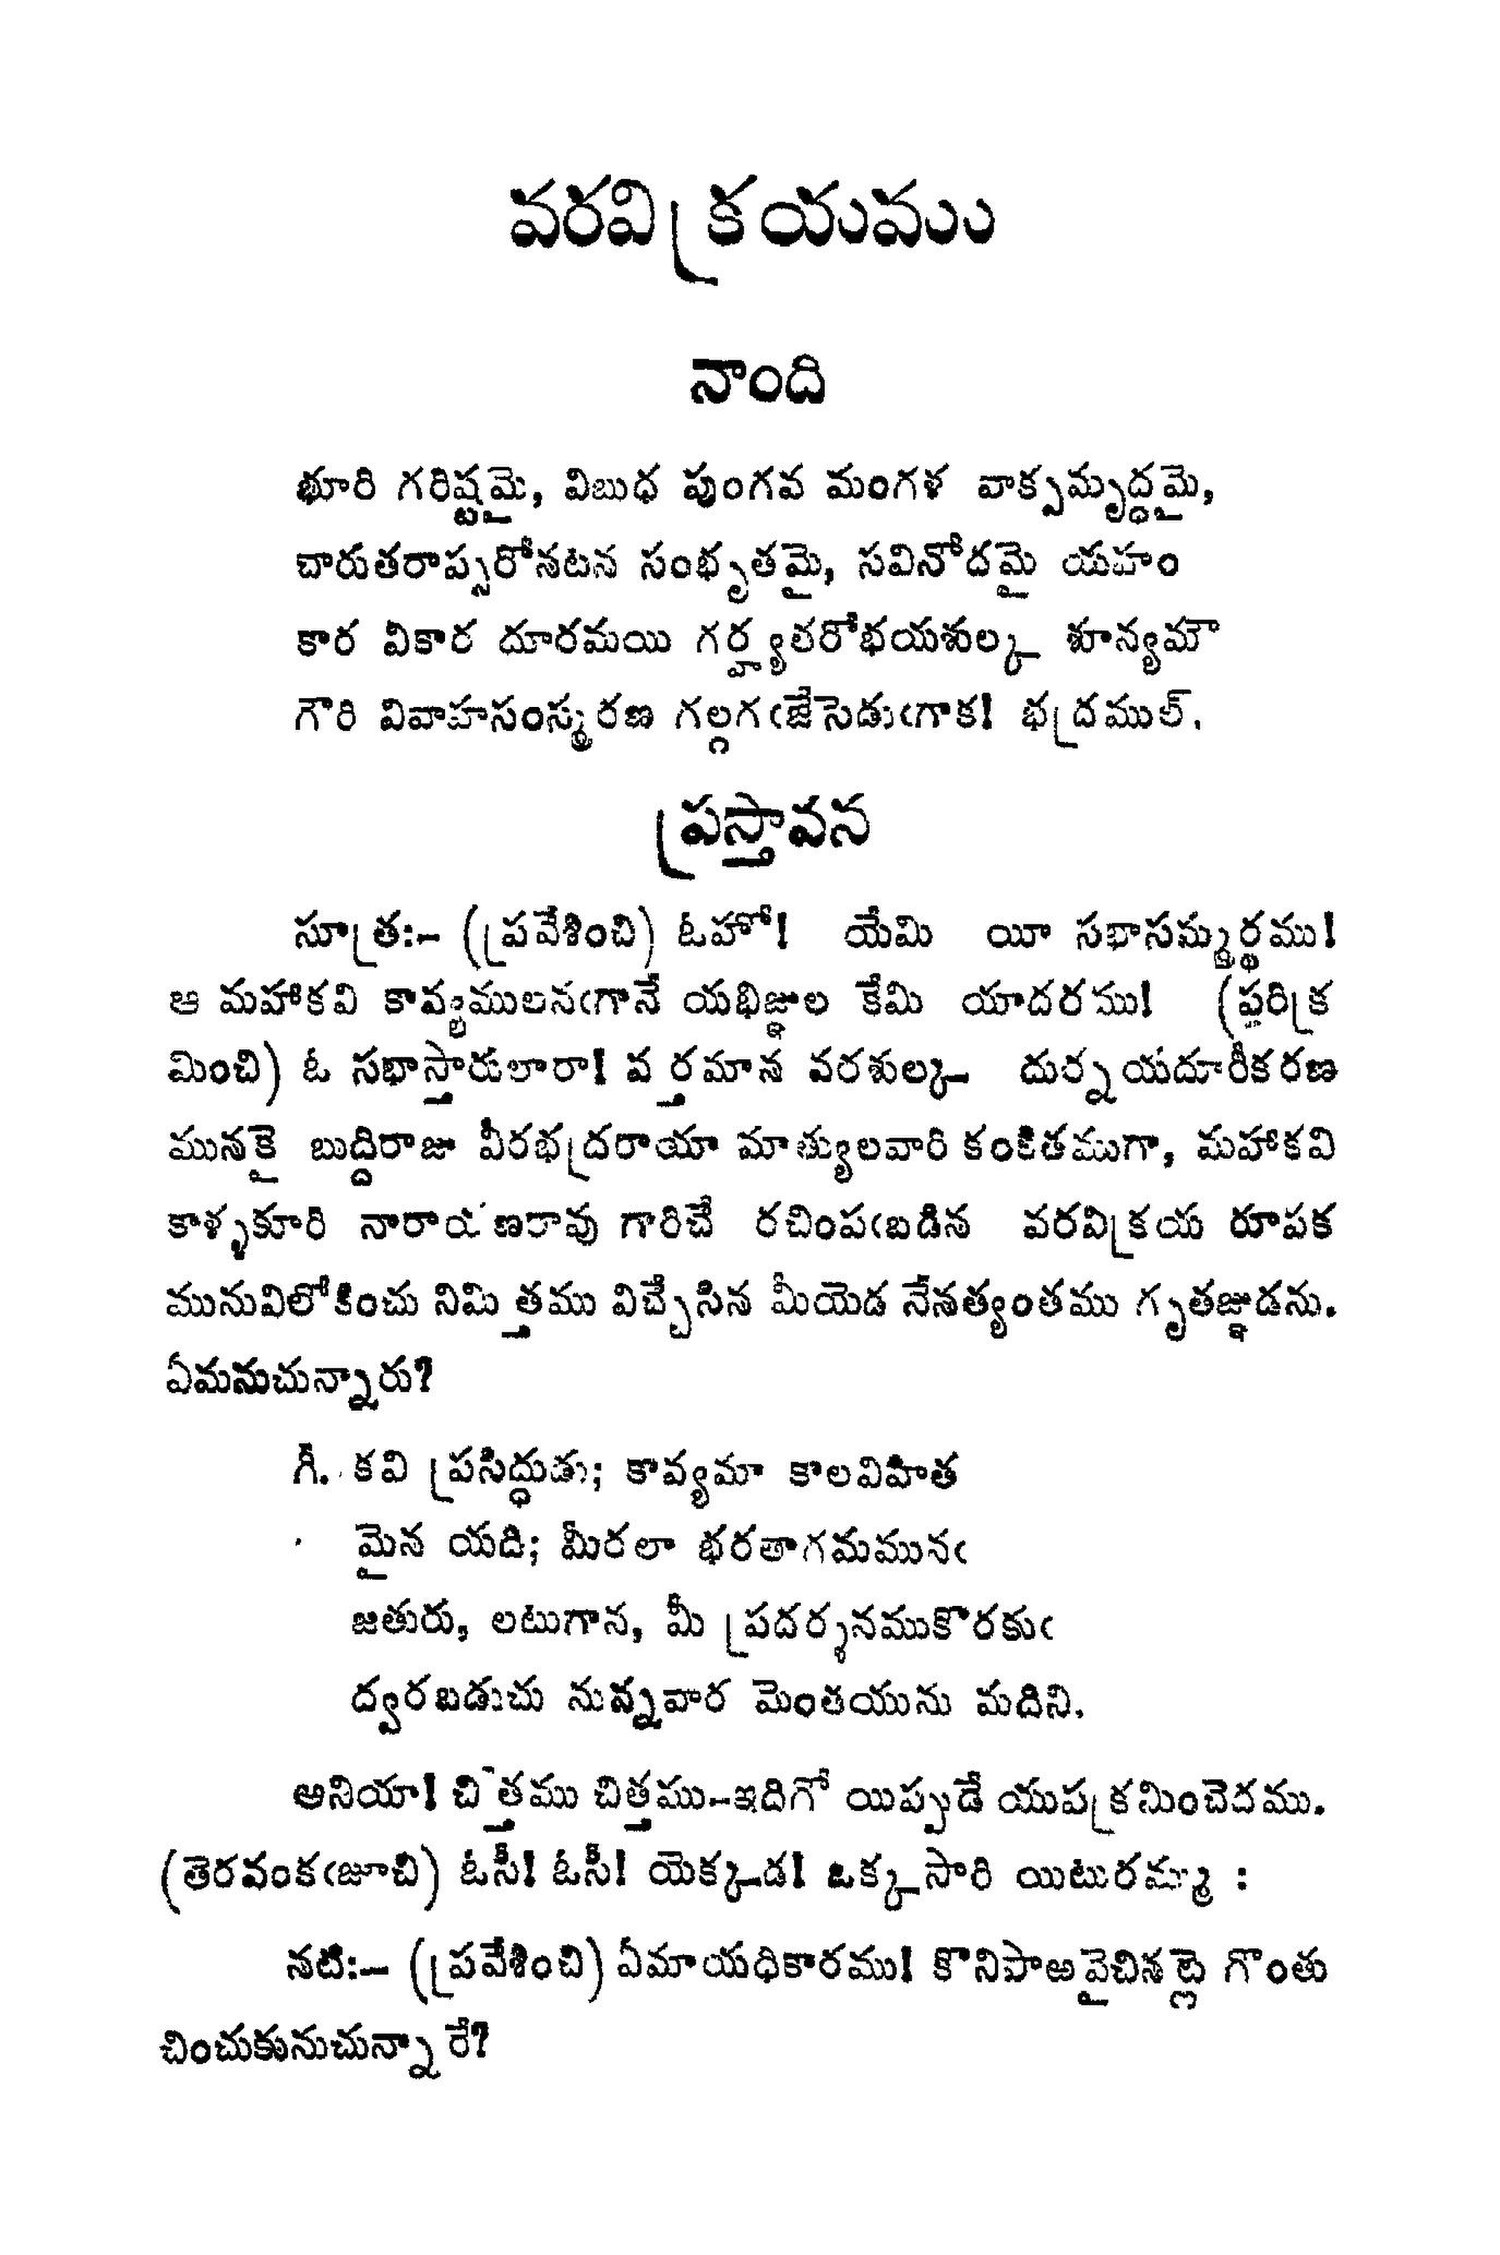వరవిక్రయము
నాంది

భూరివరిష్ఠమై, విబుధ - పుంగవ మంగళ వాక్సమృద్ధమై,
చారుతరాప్సరోనటన - సంభృతమై, సవినోదమై, యహం
కార వికార దూరమయి - గర్హ్యతరోభయశుల్క శూన్యమౌ
గౌరి వివాహసంస్మరణ - కల్గగఁజేసెడుఁ గాక! భద్రముల్‌.

ప్రస్తావన

సూత్ర:-(ప్రవేశించి) ఓహో! యేమి యీ సభాసమ్మర్దము! ఆ మహాకవి కావ్యము లనఁగానే యభిజ్ఞుల కేమి యాదరము! (పరిక్రమించి) ఓ సభాస్తారులారా! వర్తమాన వరశుల్క దుర్నయ దూరీకరణమునకై బుద్ధిరాజు వీరభద్ర రాయామాత్యులవారి కంకితముగా, మహాకవి కాళ్లకూరి నారాయణరావు గారిచే రచింపఁబడిన వరవిక్రయ రూపకమును విలోకించు నిమిత్తము విచ్చేసిన మీయెడ నే నత్యంతముఁ గృతజ్ఞుఁడను, ఏమనుచున్నారు?

గీ."కవి ప్రసిద్ధుఁడు; కావ్యమా - కాలవిహిత
మైనయది; మీరలా భర-తాగమమునఁ
జతురు; లటుగాన, మీ ప్రద-ర్శనము కొఱకుఁ
ద్వరబడుచు నున్నవార మెం-తయును మదిని."

అనియా?- చిత్తము చిత్తము- ఇదిగో యిప్పుడే యుపక్రమించెదము.

(తెరవంకఁ జూచి) ఓసీ! ఓసీ! యెక్కడ! ఒక్కసారి యిటురమ్ము.

నటి:-(ప్రవేశించి) ఏమా యధికారము! కొని పాఱవైచినట్లె గొంతు చించుకొనుచున్నారే?